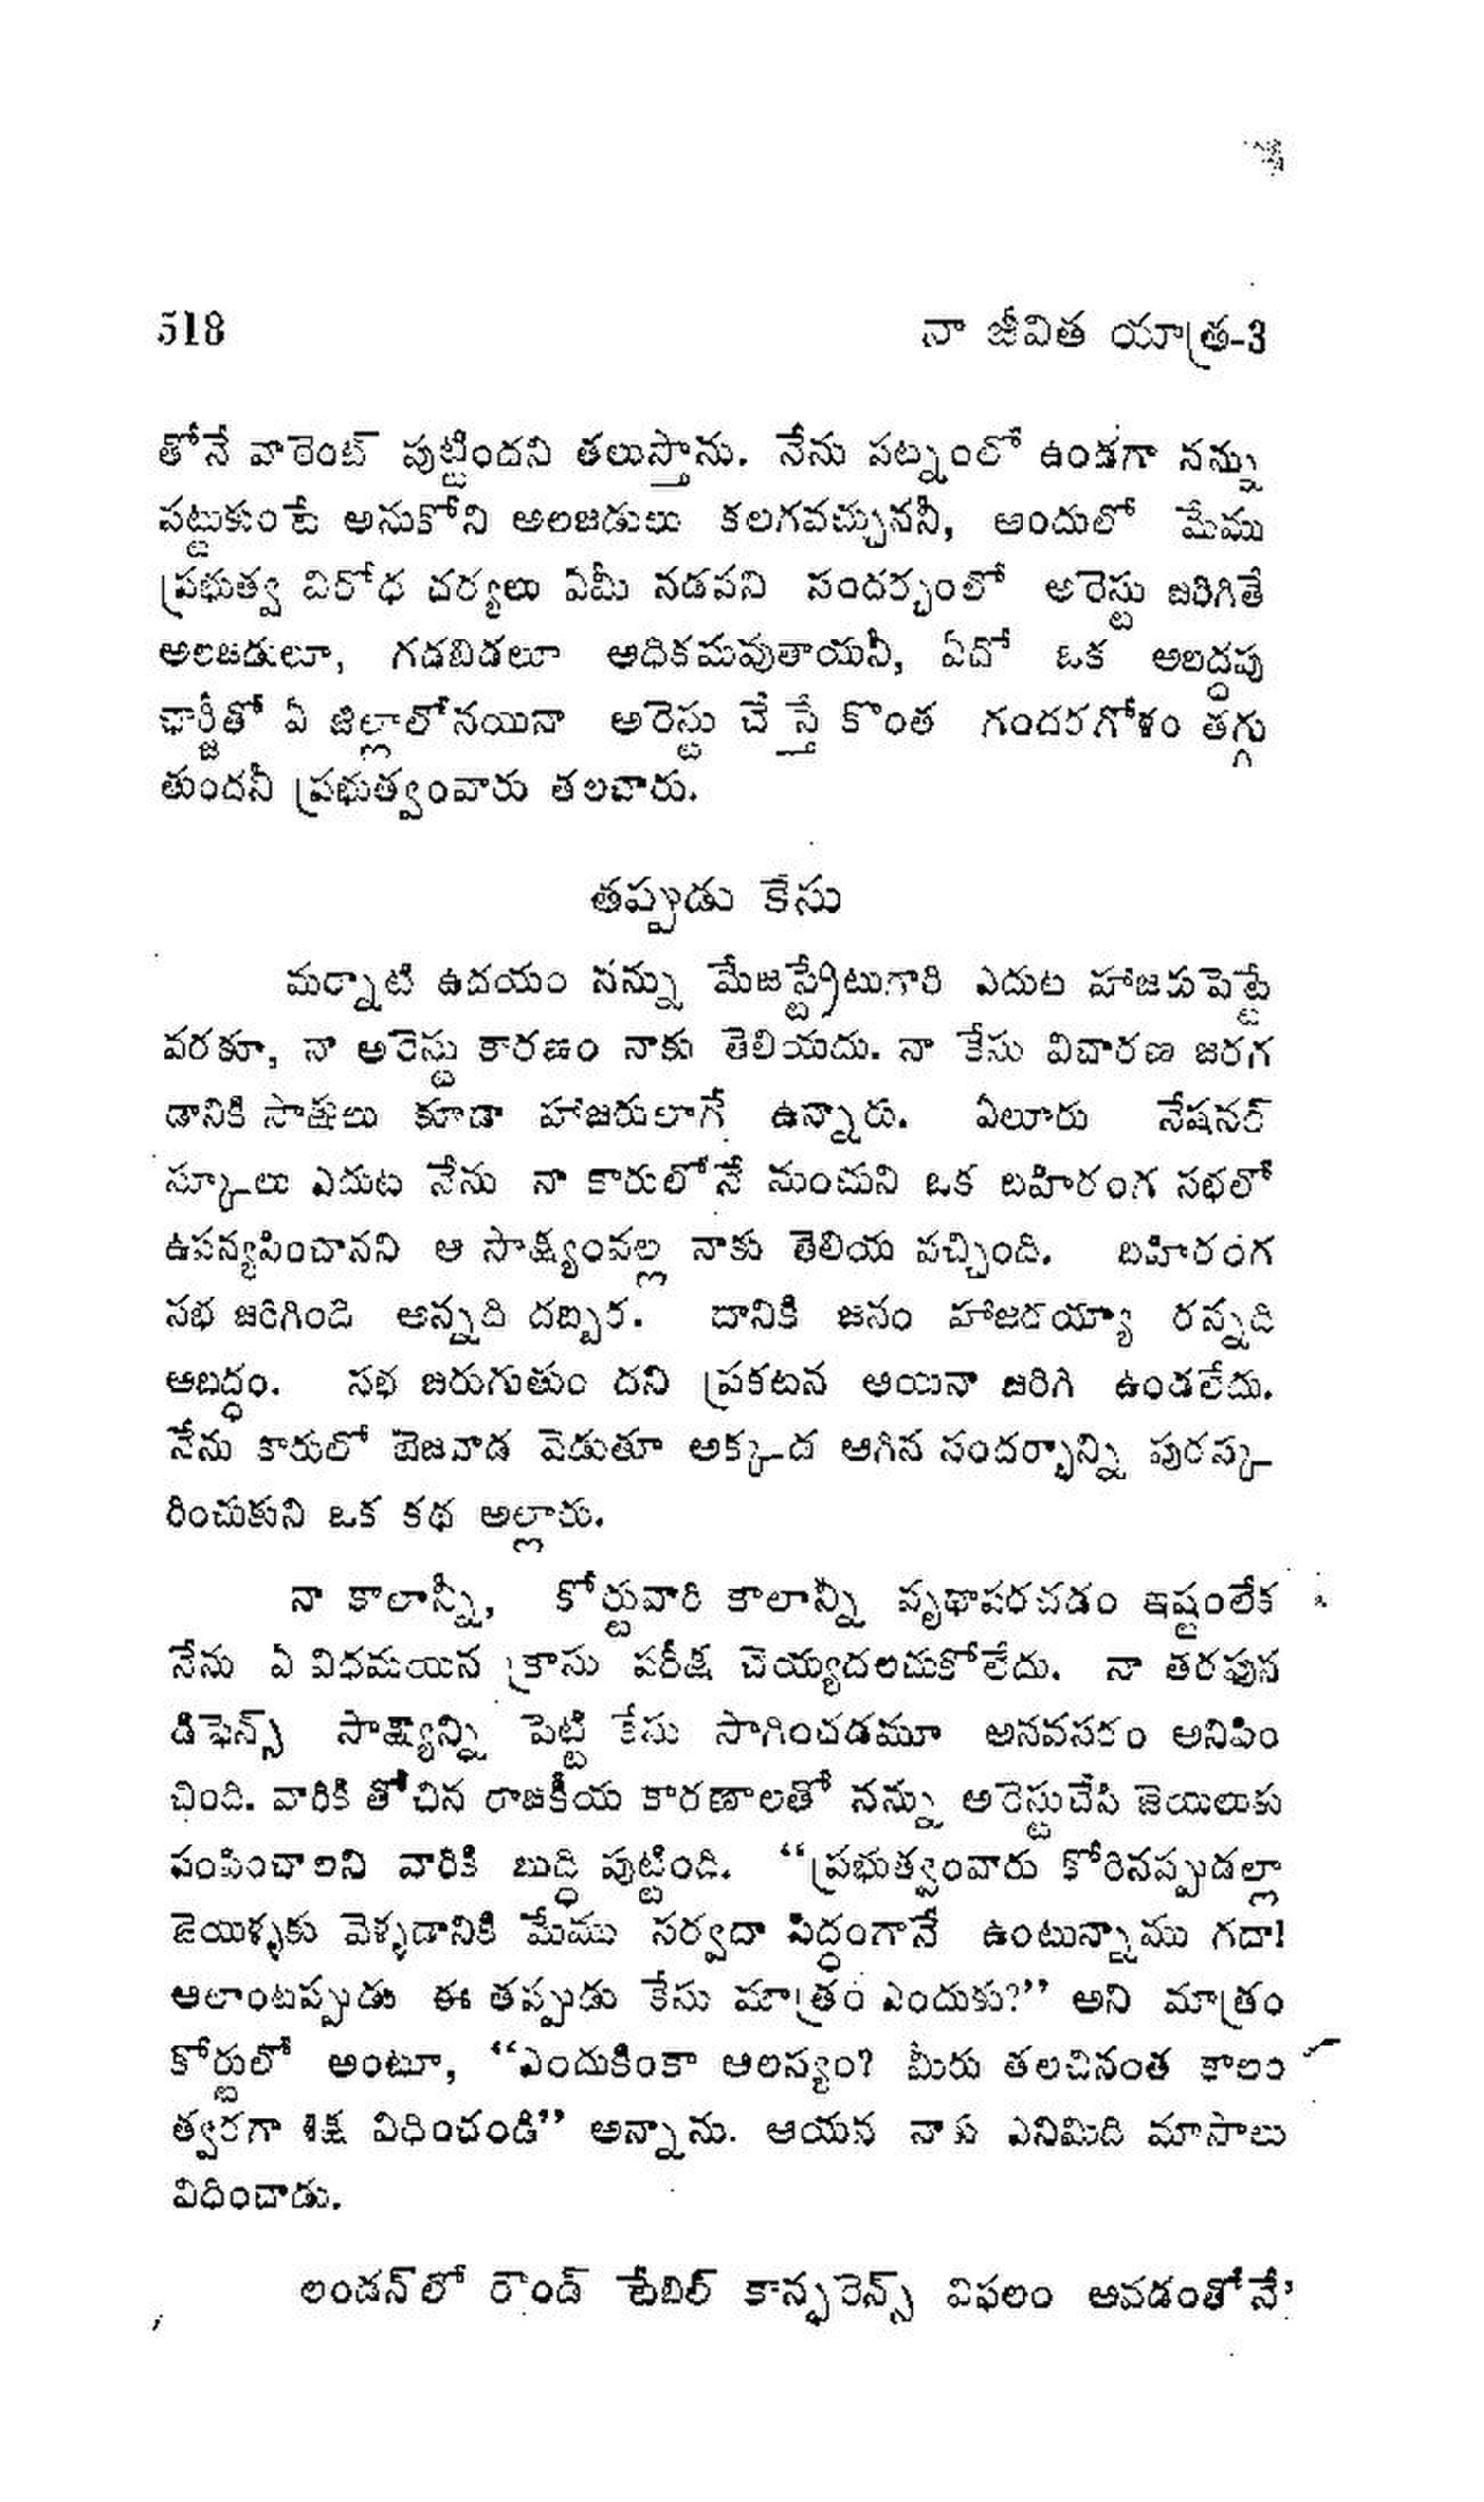తోనే వారెంట్ పుట్టిందని తలుస్తాను. నేను పట్నంలో ఉండగా నన్ను పట్టుకుంటే అనుకోని అలజడులు కలగవచ్చుననీ, అందులో మేము ప్రభుత్వ విరోధ చర్యలు ఏమీ నడవని సందర్భంలో అరెస్టు జరిగితే అలజడులూ, గడబిడలూ అదికమవుతాయనీ, ఏదో ఒక అబద్దపు ఛార్జీతో ఏ జిల్లాలోనయినా అరెస్టు చేస్తే కొంత గందరగోళం తగ్గుతుందనీ ప్రభుత్వంవారు తలచారు.

మర్నాటి ఉదయం నన్ను మేజస్ట్రేటుగారి ఎదుట హాజరుపెట్టేవరకూ, నా అరెస్టు కారణం తెలియదు. నా కేసు విచారణ జరగడానికి సాక్షులు కూడా హాజరులాగే ఉన్నారు. ఏలూరు నేషనల్ స్కూలు ఎదుట నేను నా కారులోనే నుంచుని ఒక బహిరంగ సభలో ఉపన్య సించానని ఆ సాక్ష్యంవల్ల నాకు తెలియ వచ్చింది. బహిరంగ సభ జరిగింది అన్నది దబ్బర. దానికి జనం హాజరయ్యా రన్నది అబద్ధం. సభ జరుగుతుందని ప్రకటన అయినా జరిగి ఉండలేదు. నేను కారులో బెజవాడ వెడుతూ అక్కడ ఆగిన సందర్భాన్ని పురస్కరించు కుని ఒక కథ అల్లారు.

నా కాలాన్నీ, కోర్టువారి కాలాన్ని వృథాపరచడం ఇష్టంలేక నేను ఏ విధమయిన క్రాసు పరీక్ష చెయ్యదలచుకోలేదు. నా తరపున డిఫెన్స్ సాక్ష్యాన్ని పెట్టి కేసు సాగించడమూ అనవసరం అనిపించింది. వారికి తోచిన రాజకీయ కారణాలతో నన్ను అరెస్టుజేసి జెయిలుకు పంపించాలని వారికి బుద్ధి పుట్టింది. "ప్రభుత్వంవారు కోరినప్పుడల్లా జెయిళ్ళకు వెళ్ళడానికి మేము సర్వదా సిద్ధంగానే ఉంటున్నాము గదా! అలాంటప్పుడు ఈ తప్పుడు కేసు మాత్రం ఎందుకు?" అని మాత్రం కోర్టులో అంటూ, "ఎందుకింకా ఆలస్యం? మీరు తలచినంత కాలం త్వరగా శిక్ష విధించండి" అన్నాను. ఆయన నాకు ఎనిమిది మాసాలు విధించాడు.

లండన్‌లో రౌండ్ టేబిల్ కాన్ఫరెన్స్ విఫలం అవడంతోనే